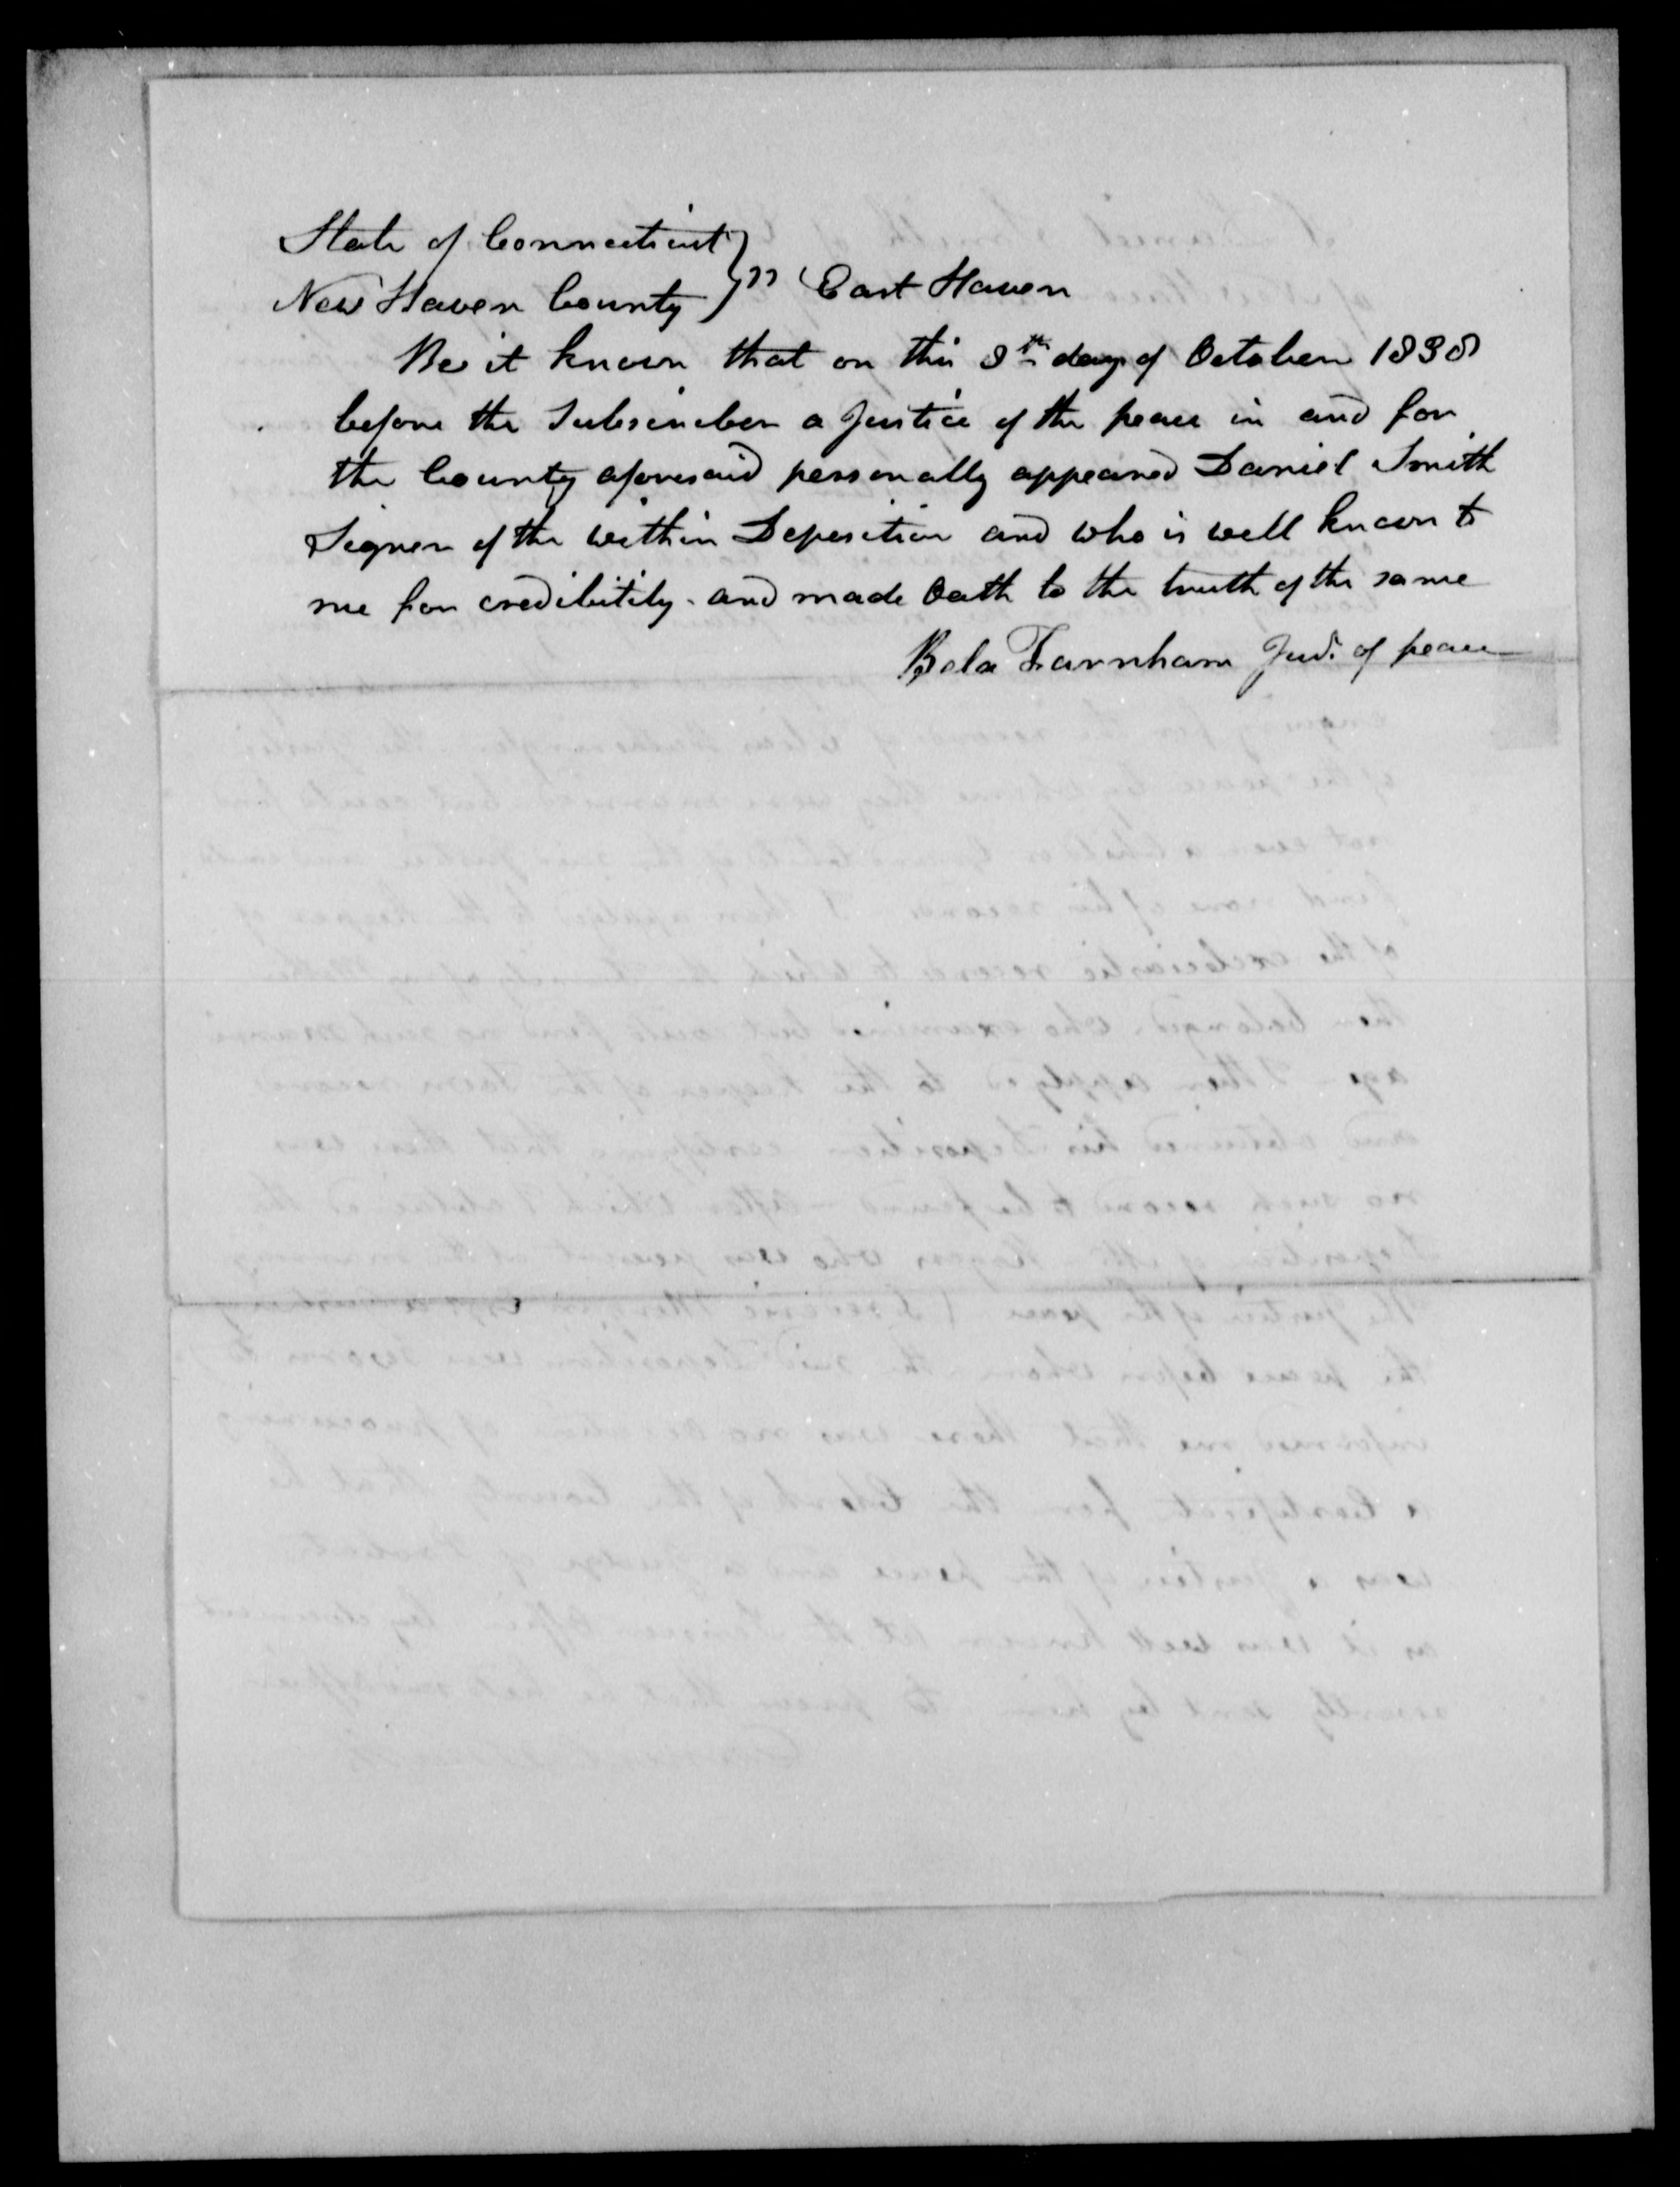State of Connecticut  }
New Haven County  } Ss  East Haven

Be it known that on this 9th day of October [1838]
before the Subscriber a justice of the peace in and for the county aforesaid personally appeared Daniel Smith signer of the within Deposition and who is well known to me for credibility and made oath to the truth of the same
Bela Farnham Jus't. of peace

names: Bela Farnham; Daniel Smith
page: 3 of 19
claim: rejected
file: R 9792, for Benjamin Smith, Connecticut